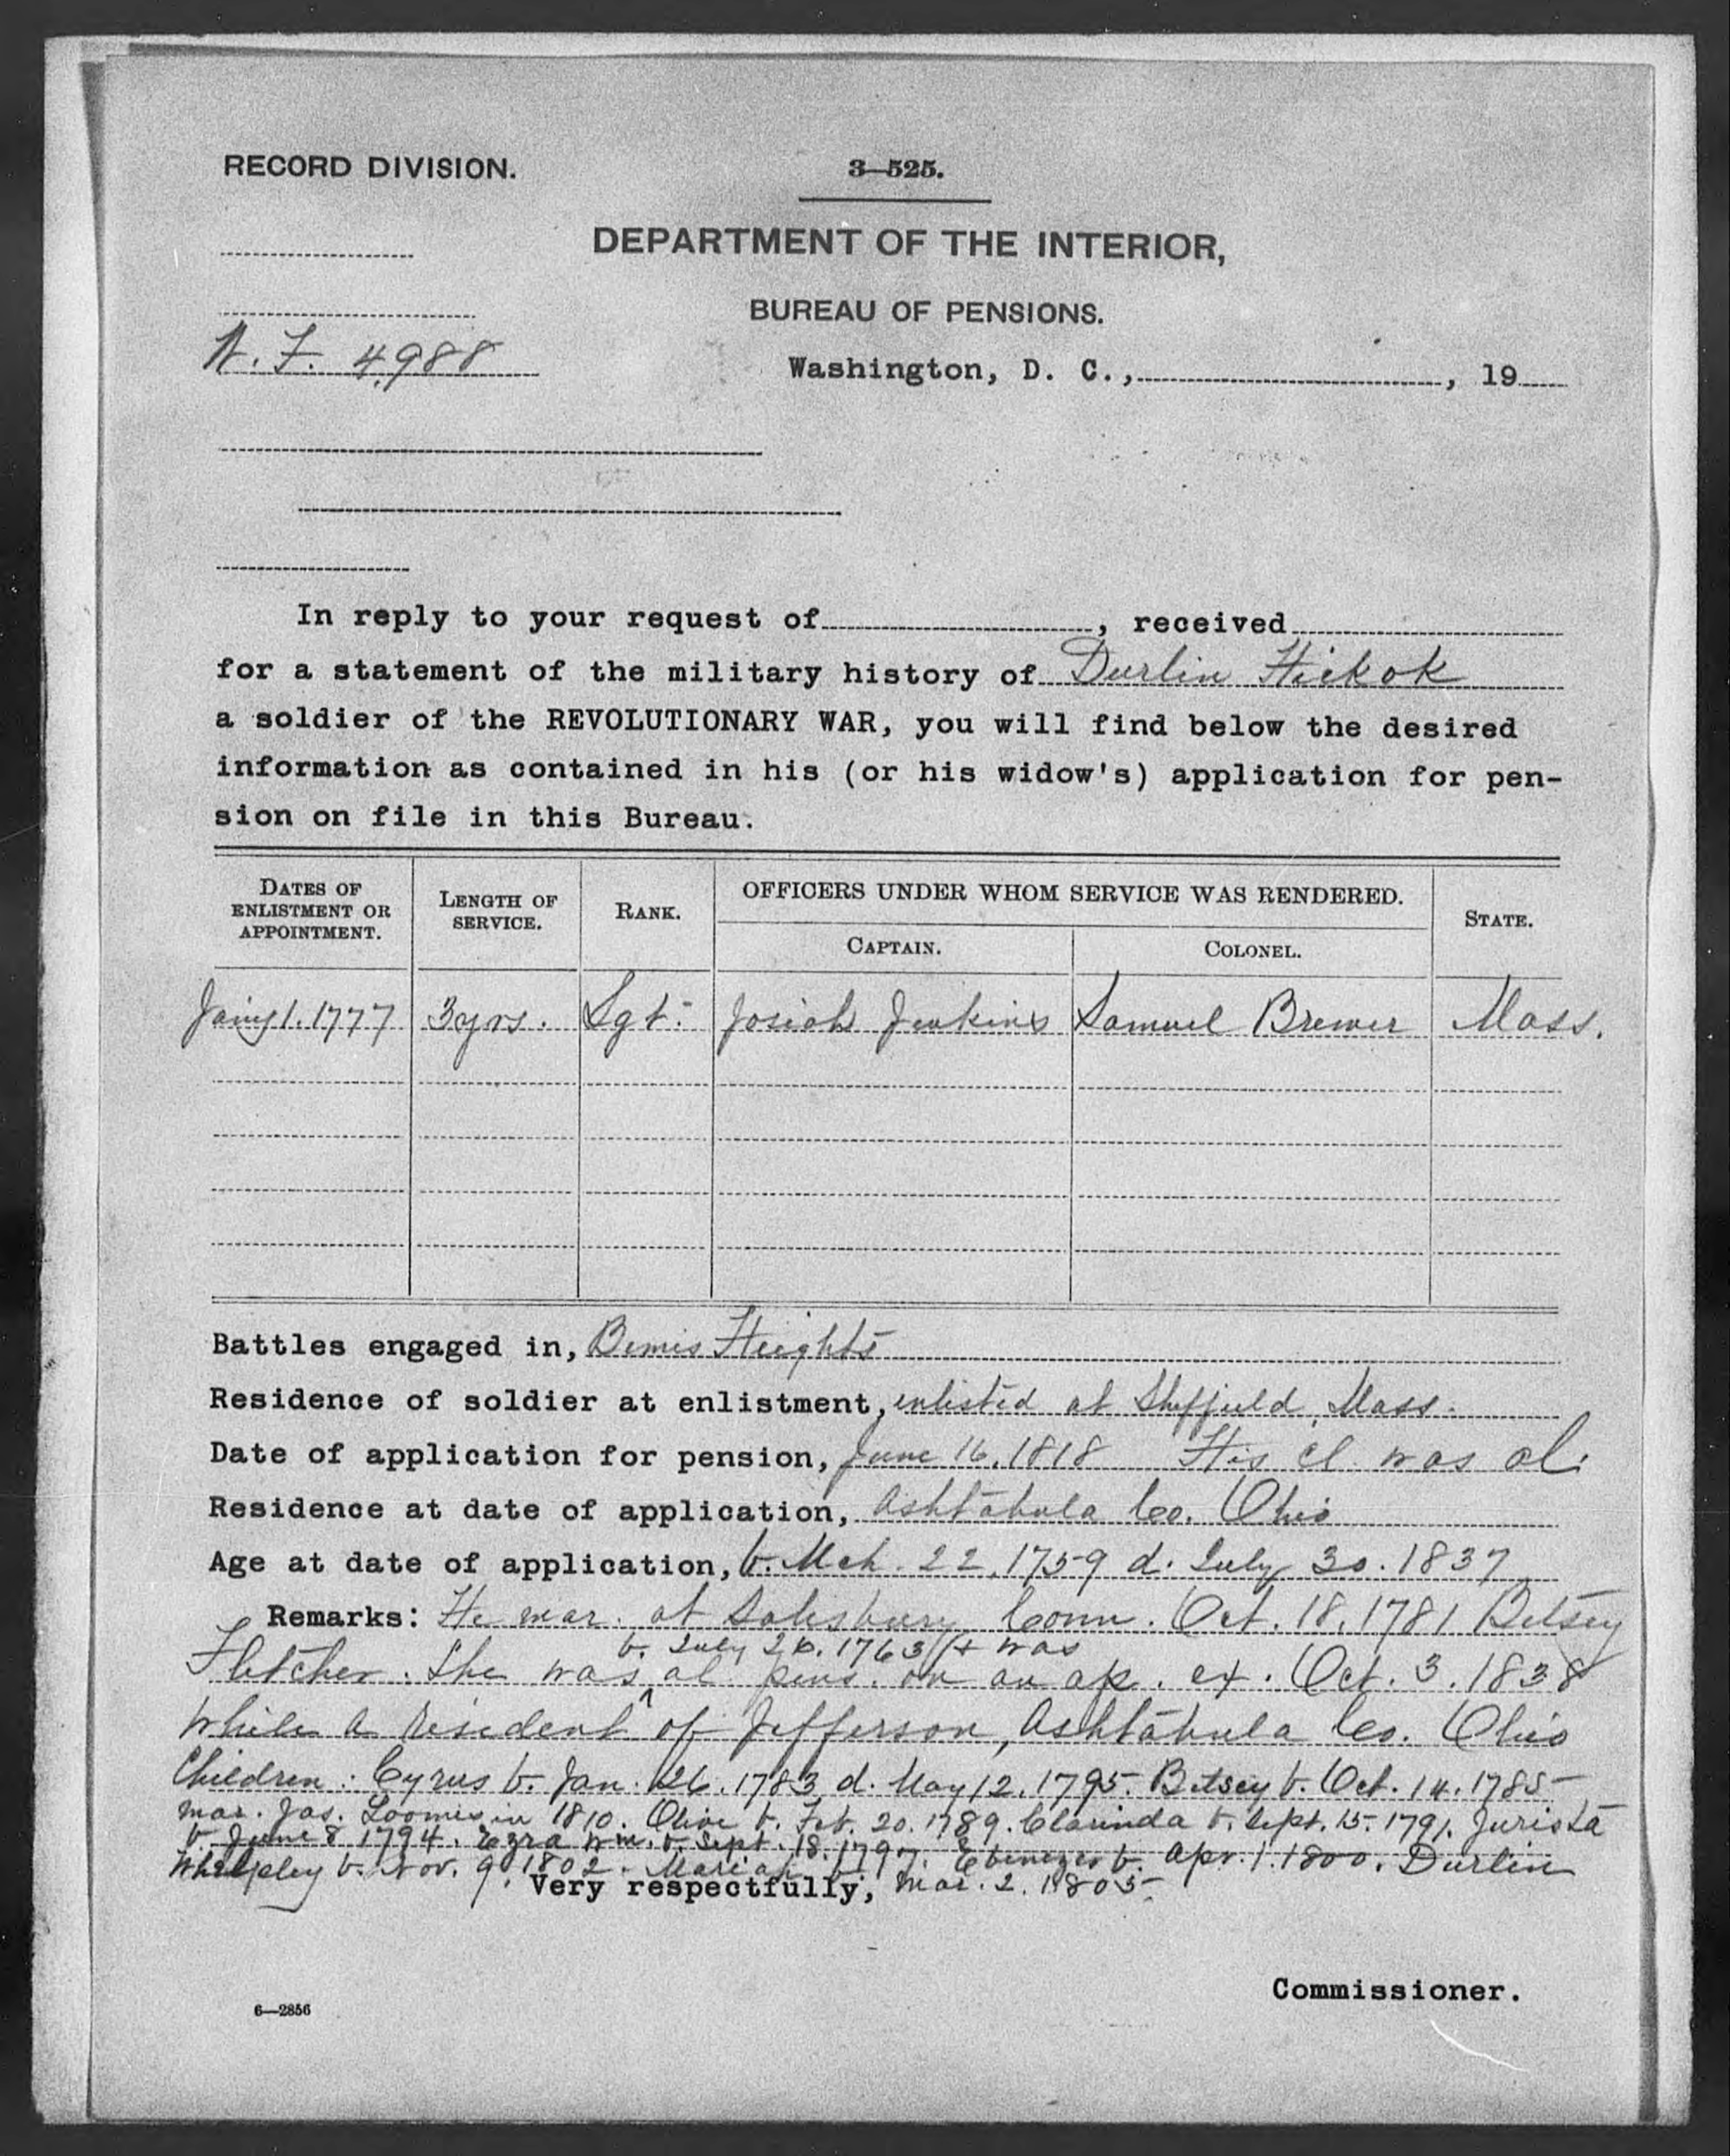N.F. 4988

In reply to your request of [blank space], received [blank space] for a statement of the military history of Durlin Hickok a soldier of the REVOLUTIONARY WAR, you will find below the desired information as contained in his (or his widow's) application for pension on file this Bureau.
Dates of enlistment or appointment. July 1777 
Length of service 3 yrs.
Rank. Sgt.
Officers under whom service was rendered 
Captain. Josiah Jenkins    Colonel. Samuel Brewer.
State.  Mass.
Battles engaged in, Bemis Heights
Residence of soldier at enlistment, enlisted at Sheffield, Mass. 
Date of application for pension, June 16, 1818 [illegible]
Residence at date of application, Ashtabula Co, Ohio
Age at date of application, G.Meh. 22.1759 d. July 30. 1837
Remarks:  He [illegible] of soldiers bury Comm. Oct. 18,1781 Betsy Fletcher. she was b. July 16, 1763 + was [illegible] et. Oct.3.1838 [illegible]
Very respectfully,
Commissioner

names: Jas Loomis, Olive, Samuel Brewer, Durlin Hickok, Durlin Whelpley, Jurista, Ebenezer, Clarinda, Mariah, Betsey Fletcher, Josiah Jenkins, Ezra Wm, Betsey, Cyrus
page: 20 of 45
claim: widow's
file: W. 4988, Durlin Hickok, Mass.